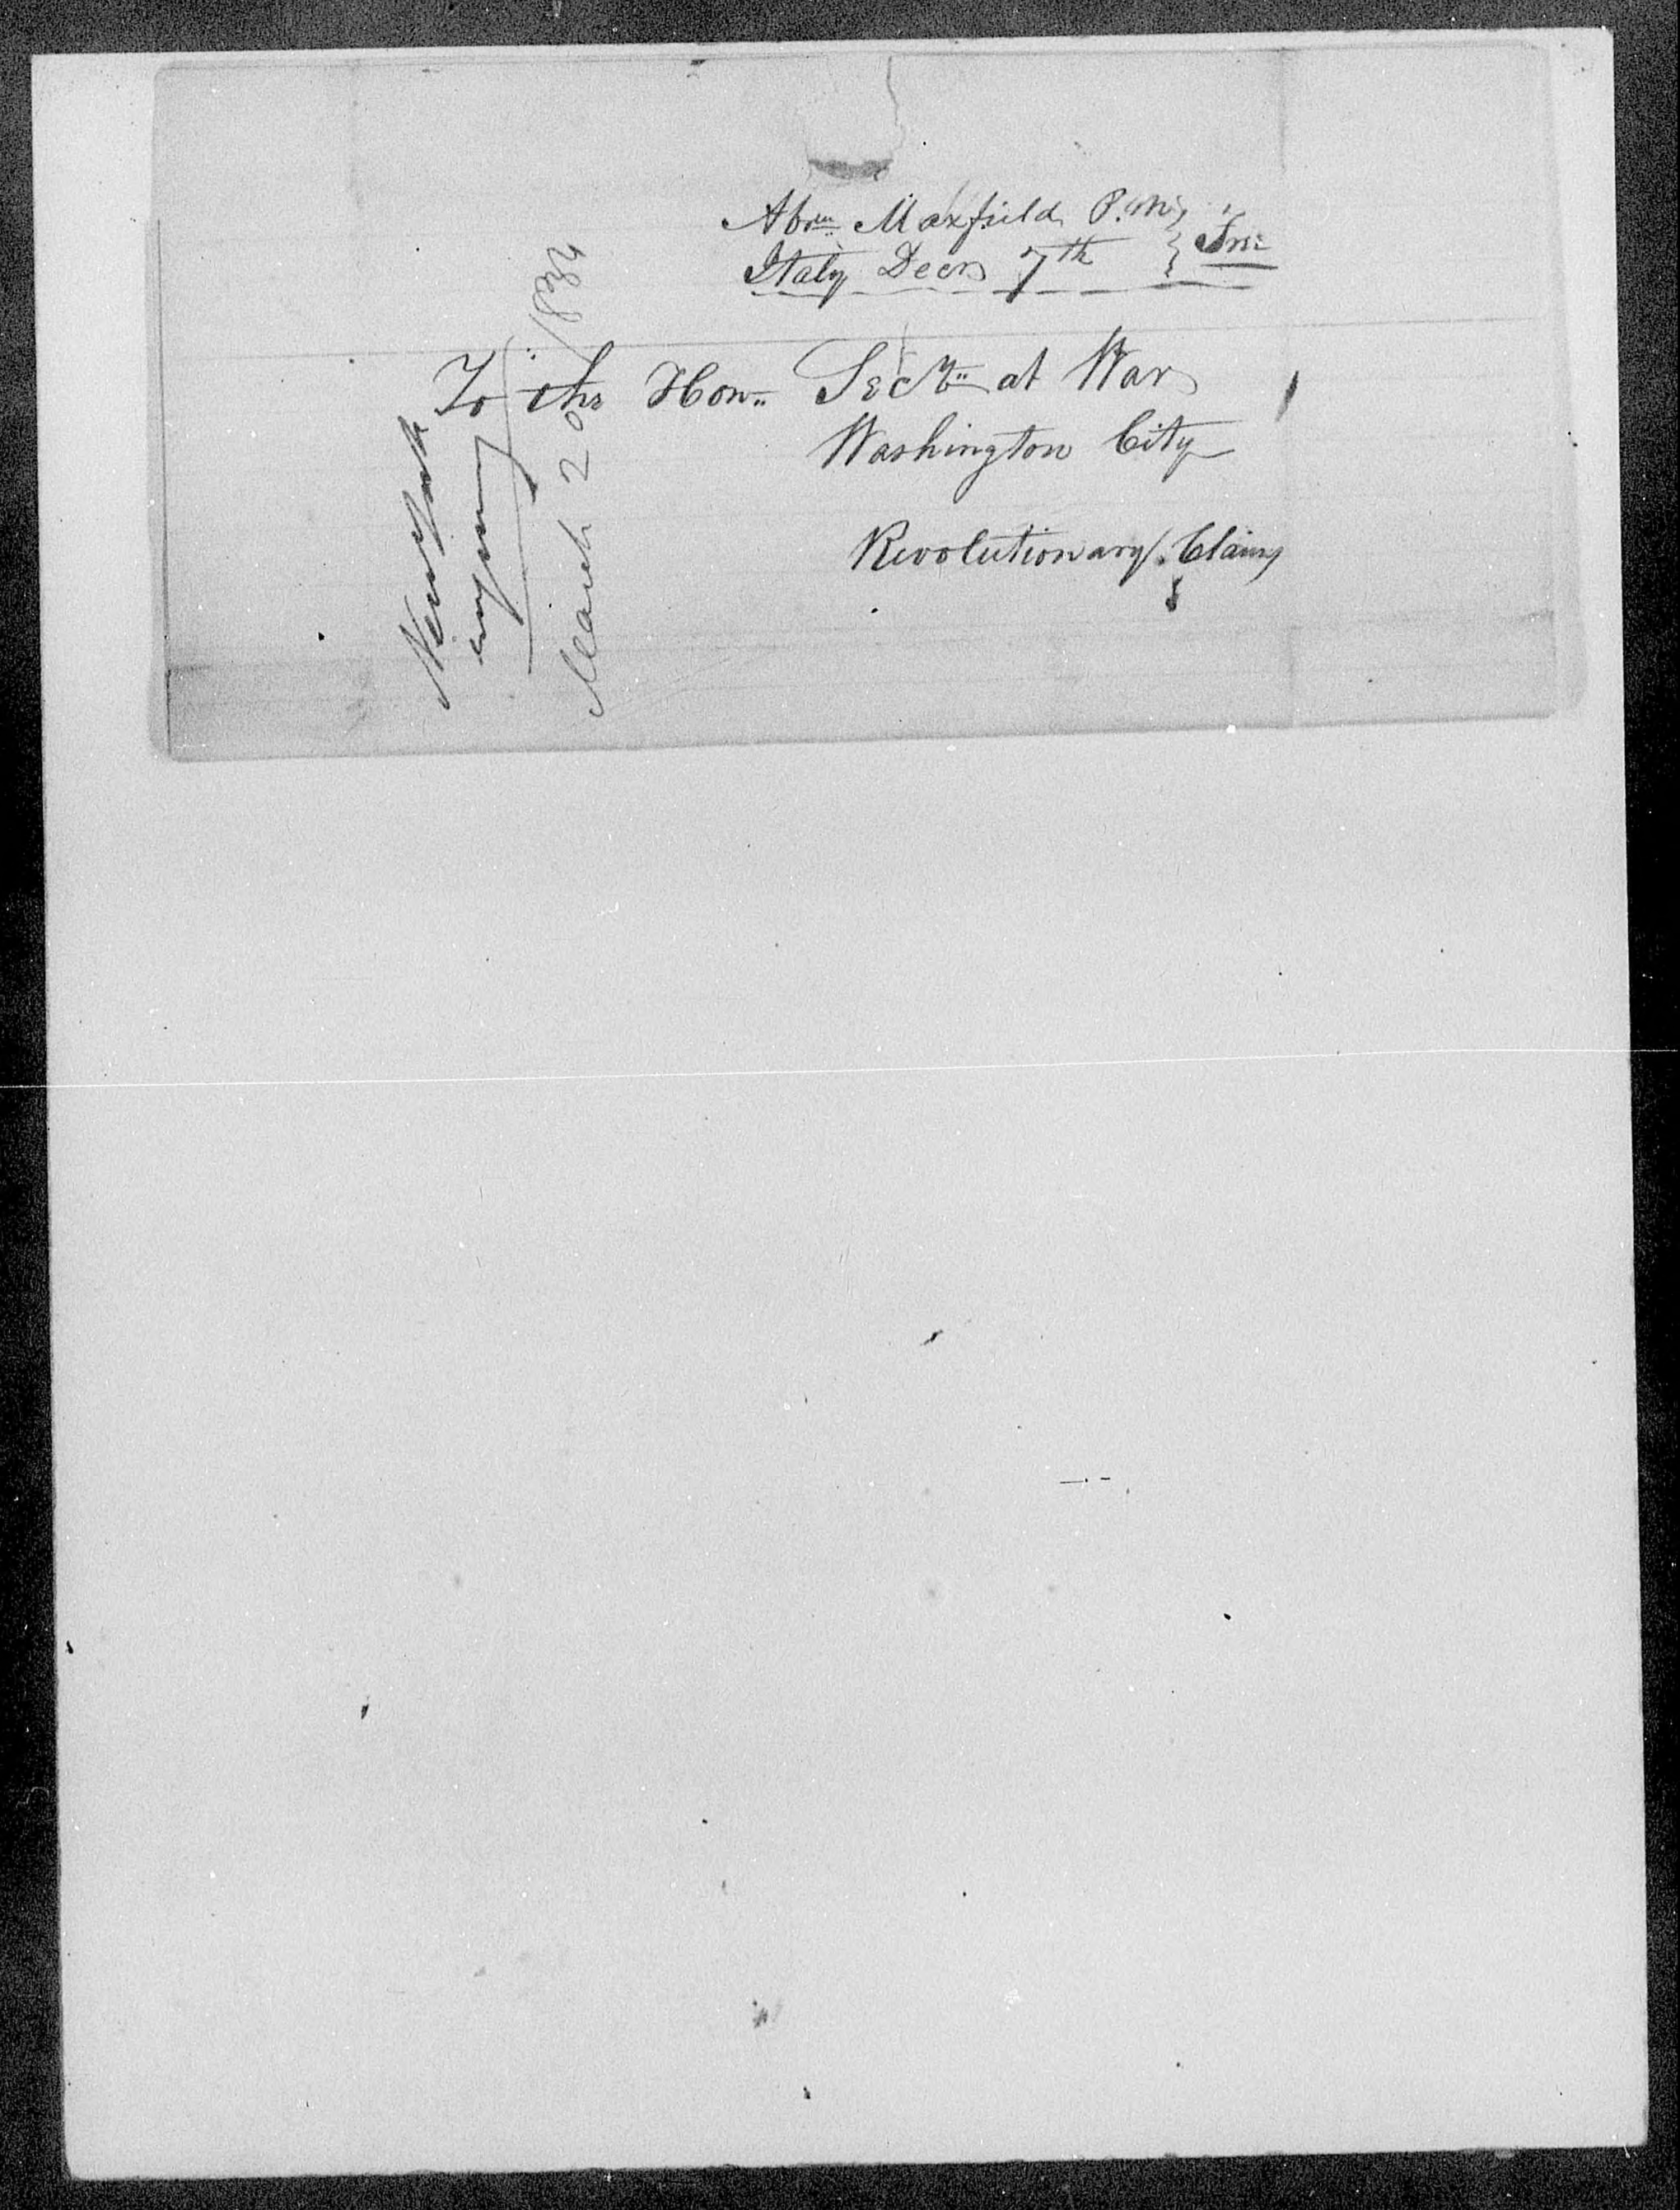Abm. Mansfield P.M.
Italy Dec 7th

To the Hon Secrt. at War
Washington City
Revolutionary Claims

New York
(illegible)
Search 20   1886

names: Abrm Maxfield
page: 23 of 28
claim: survivor's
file: S. 22799, John Graham, Mass